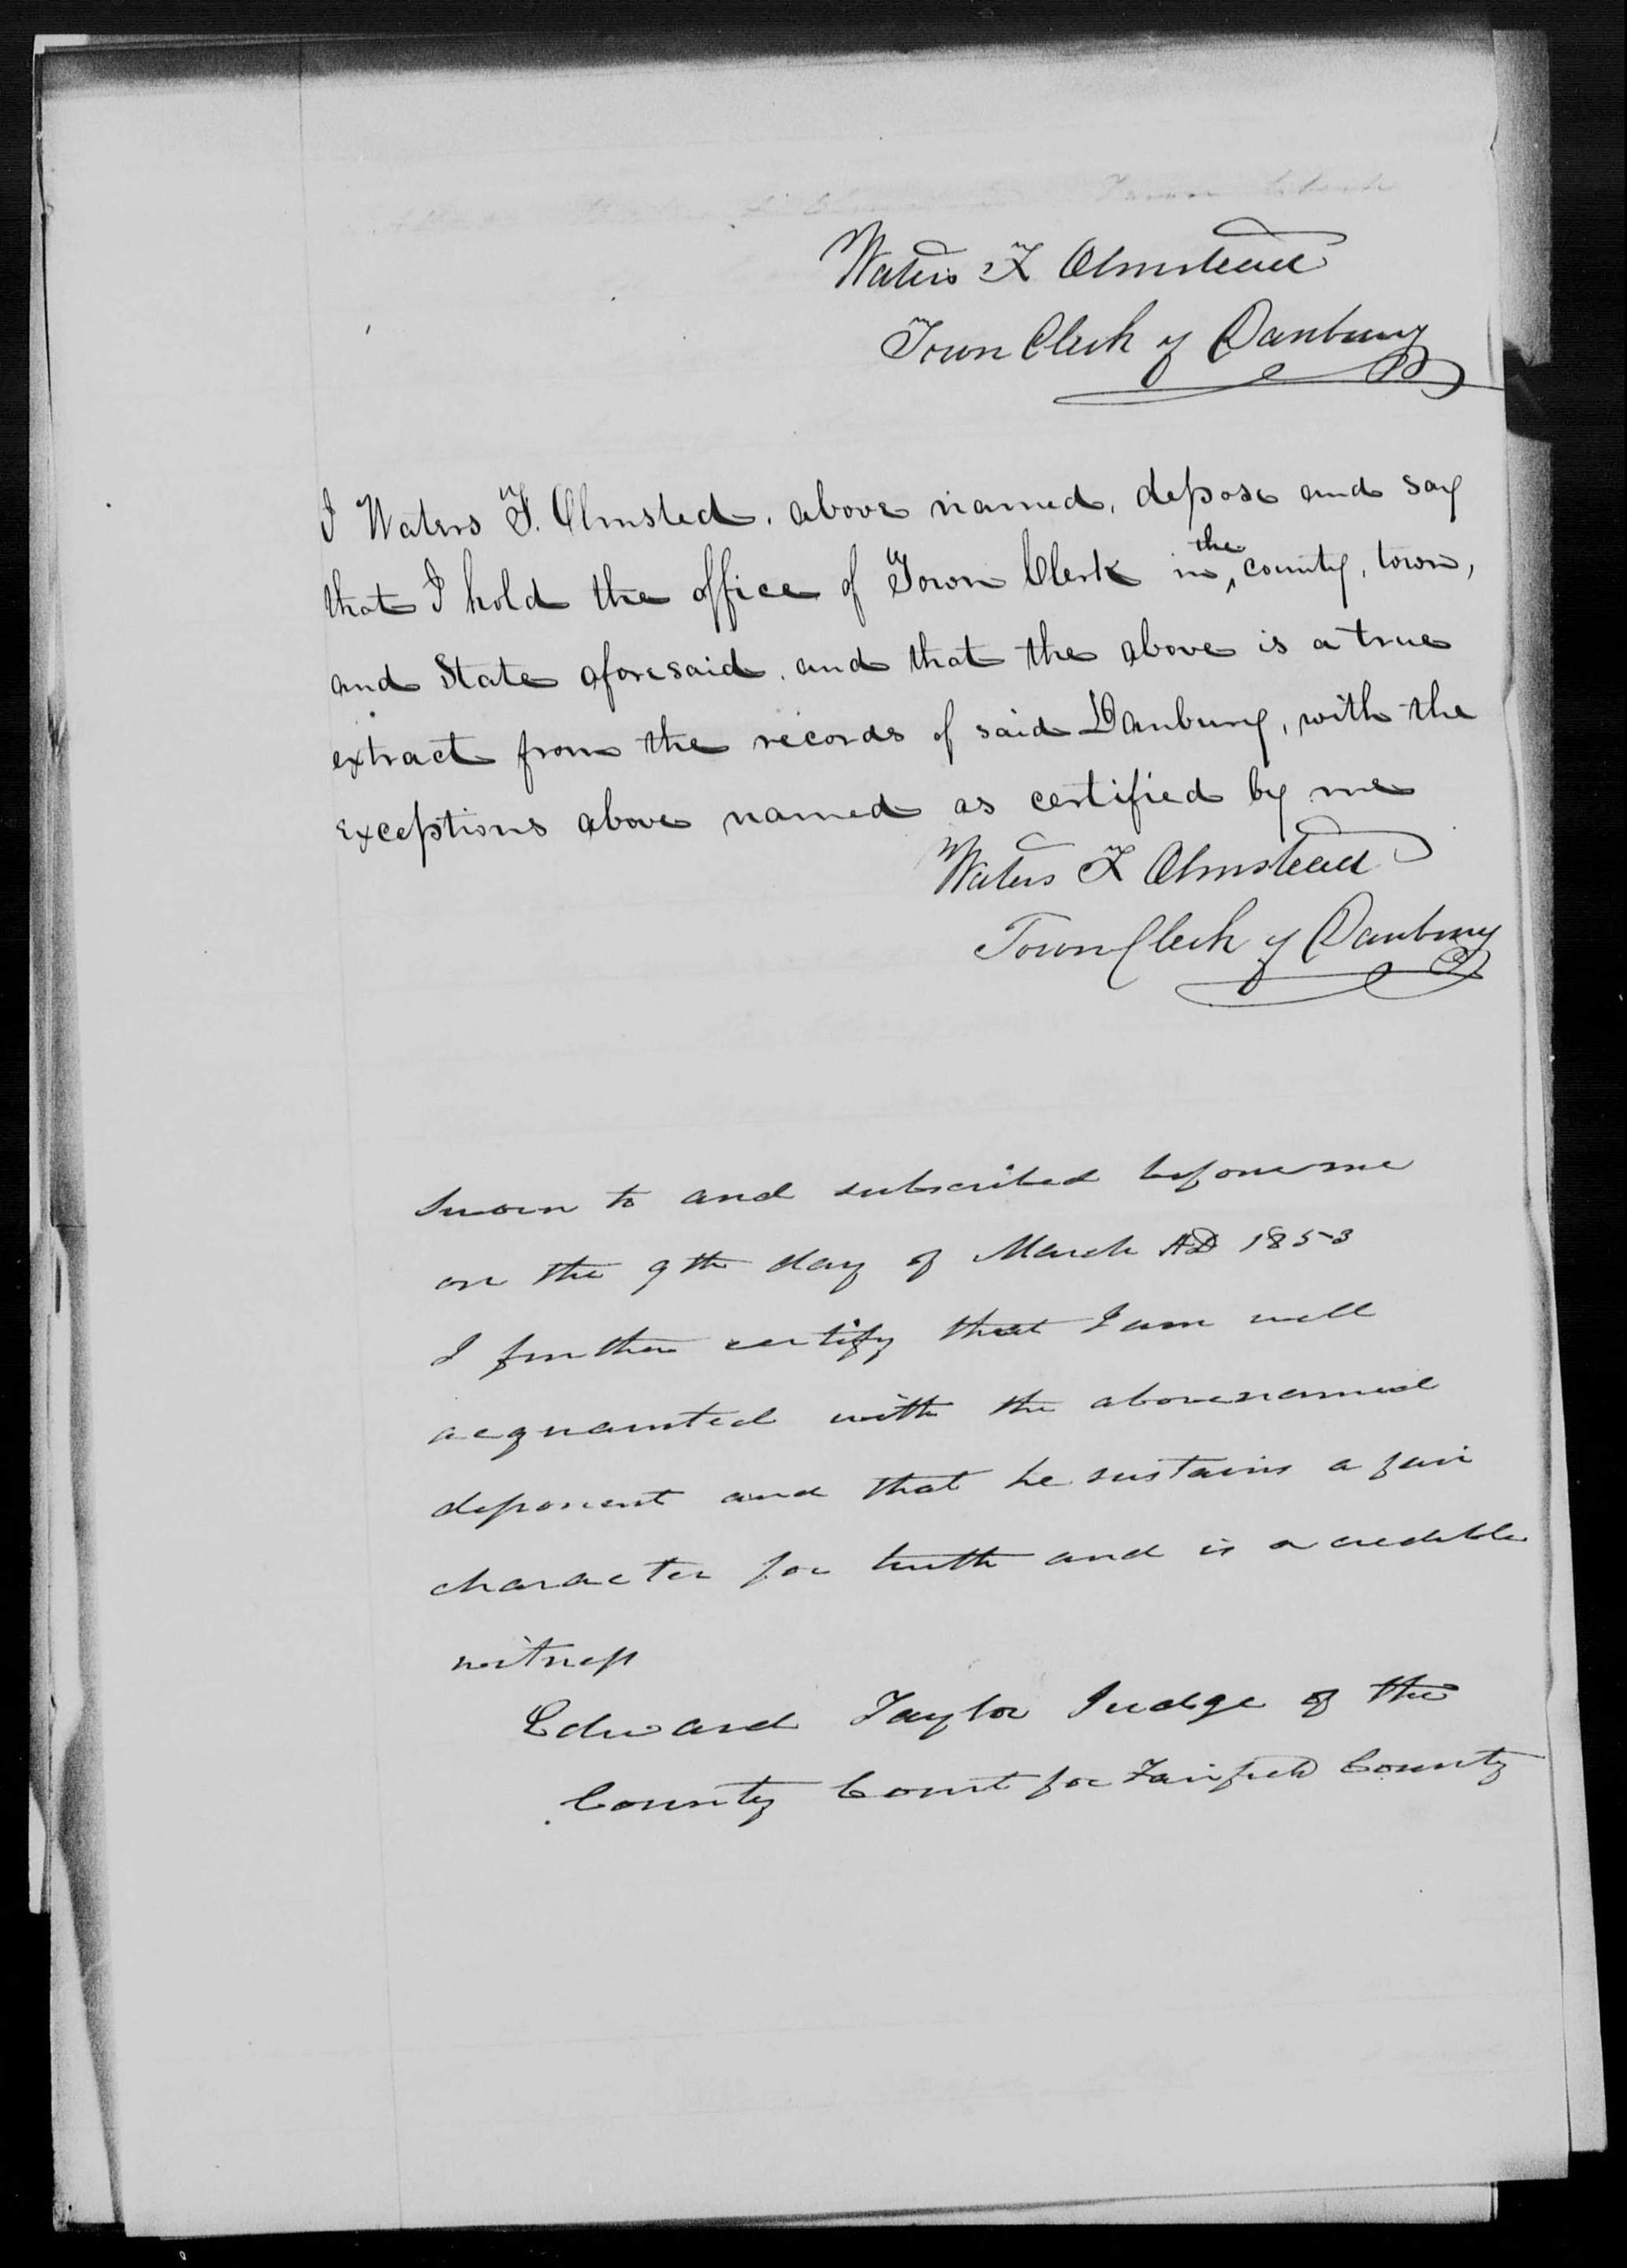Waters F Olmstead 
Town Clerk of Danbury 

I Waters F. Olmsted above named, depose and say that I hold the office of Town Clerk in the County, town, and State aforesaid, and that the above is a true extract from the records of said Danbury, with the exceptions above named as certified by me 
Waters F Olmstead 
Town Clerk of Danbury 

Sworn to and subscribed before me on the 9th day of March AD 1853 I further certify that I am well acquainted with the above named department and that he sustains a fair character for truth and is a credible witness Edward Taylor Judge of the County Court for Fairfield County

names: Waters F Olmstead, Waters F Olmstead, Edward Taylor, Waters F Olmsted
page: 21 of 39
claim: widow's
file: W. 2,056, Squire Ambler, Continental (Sol. Res. In N.Y. & Conn.)